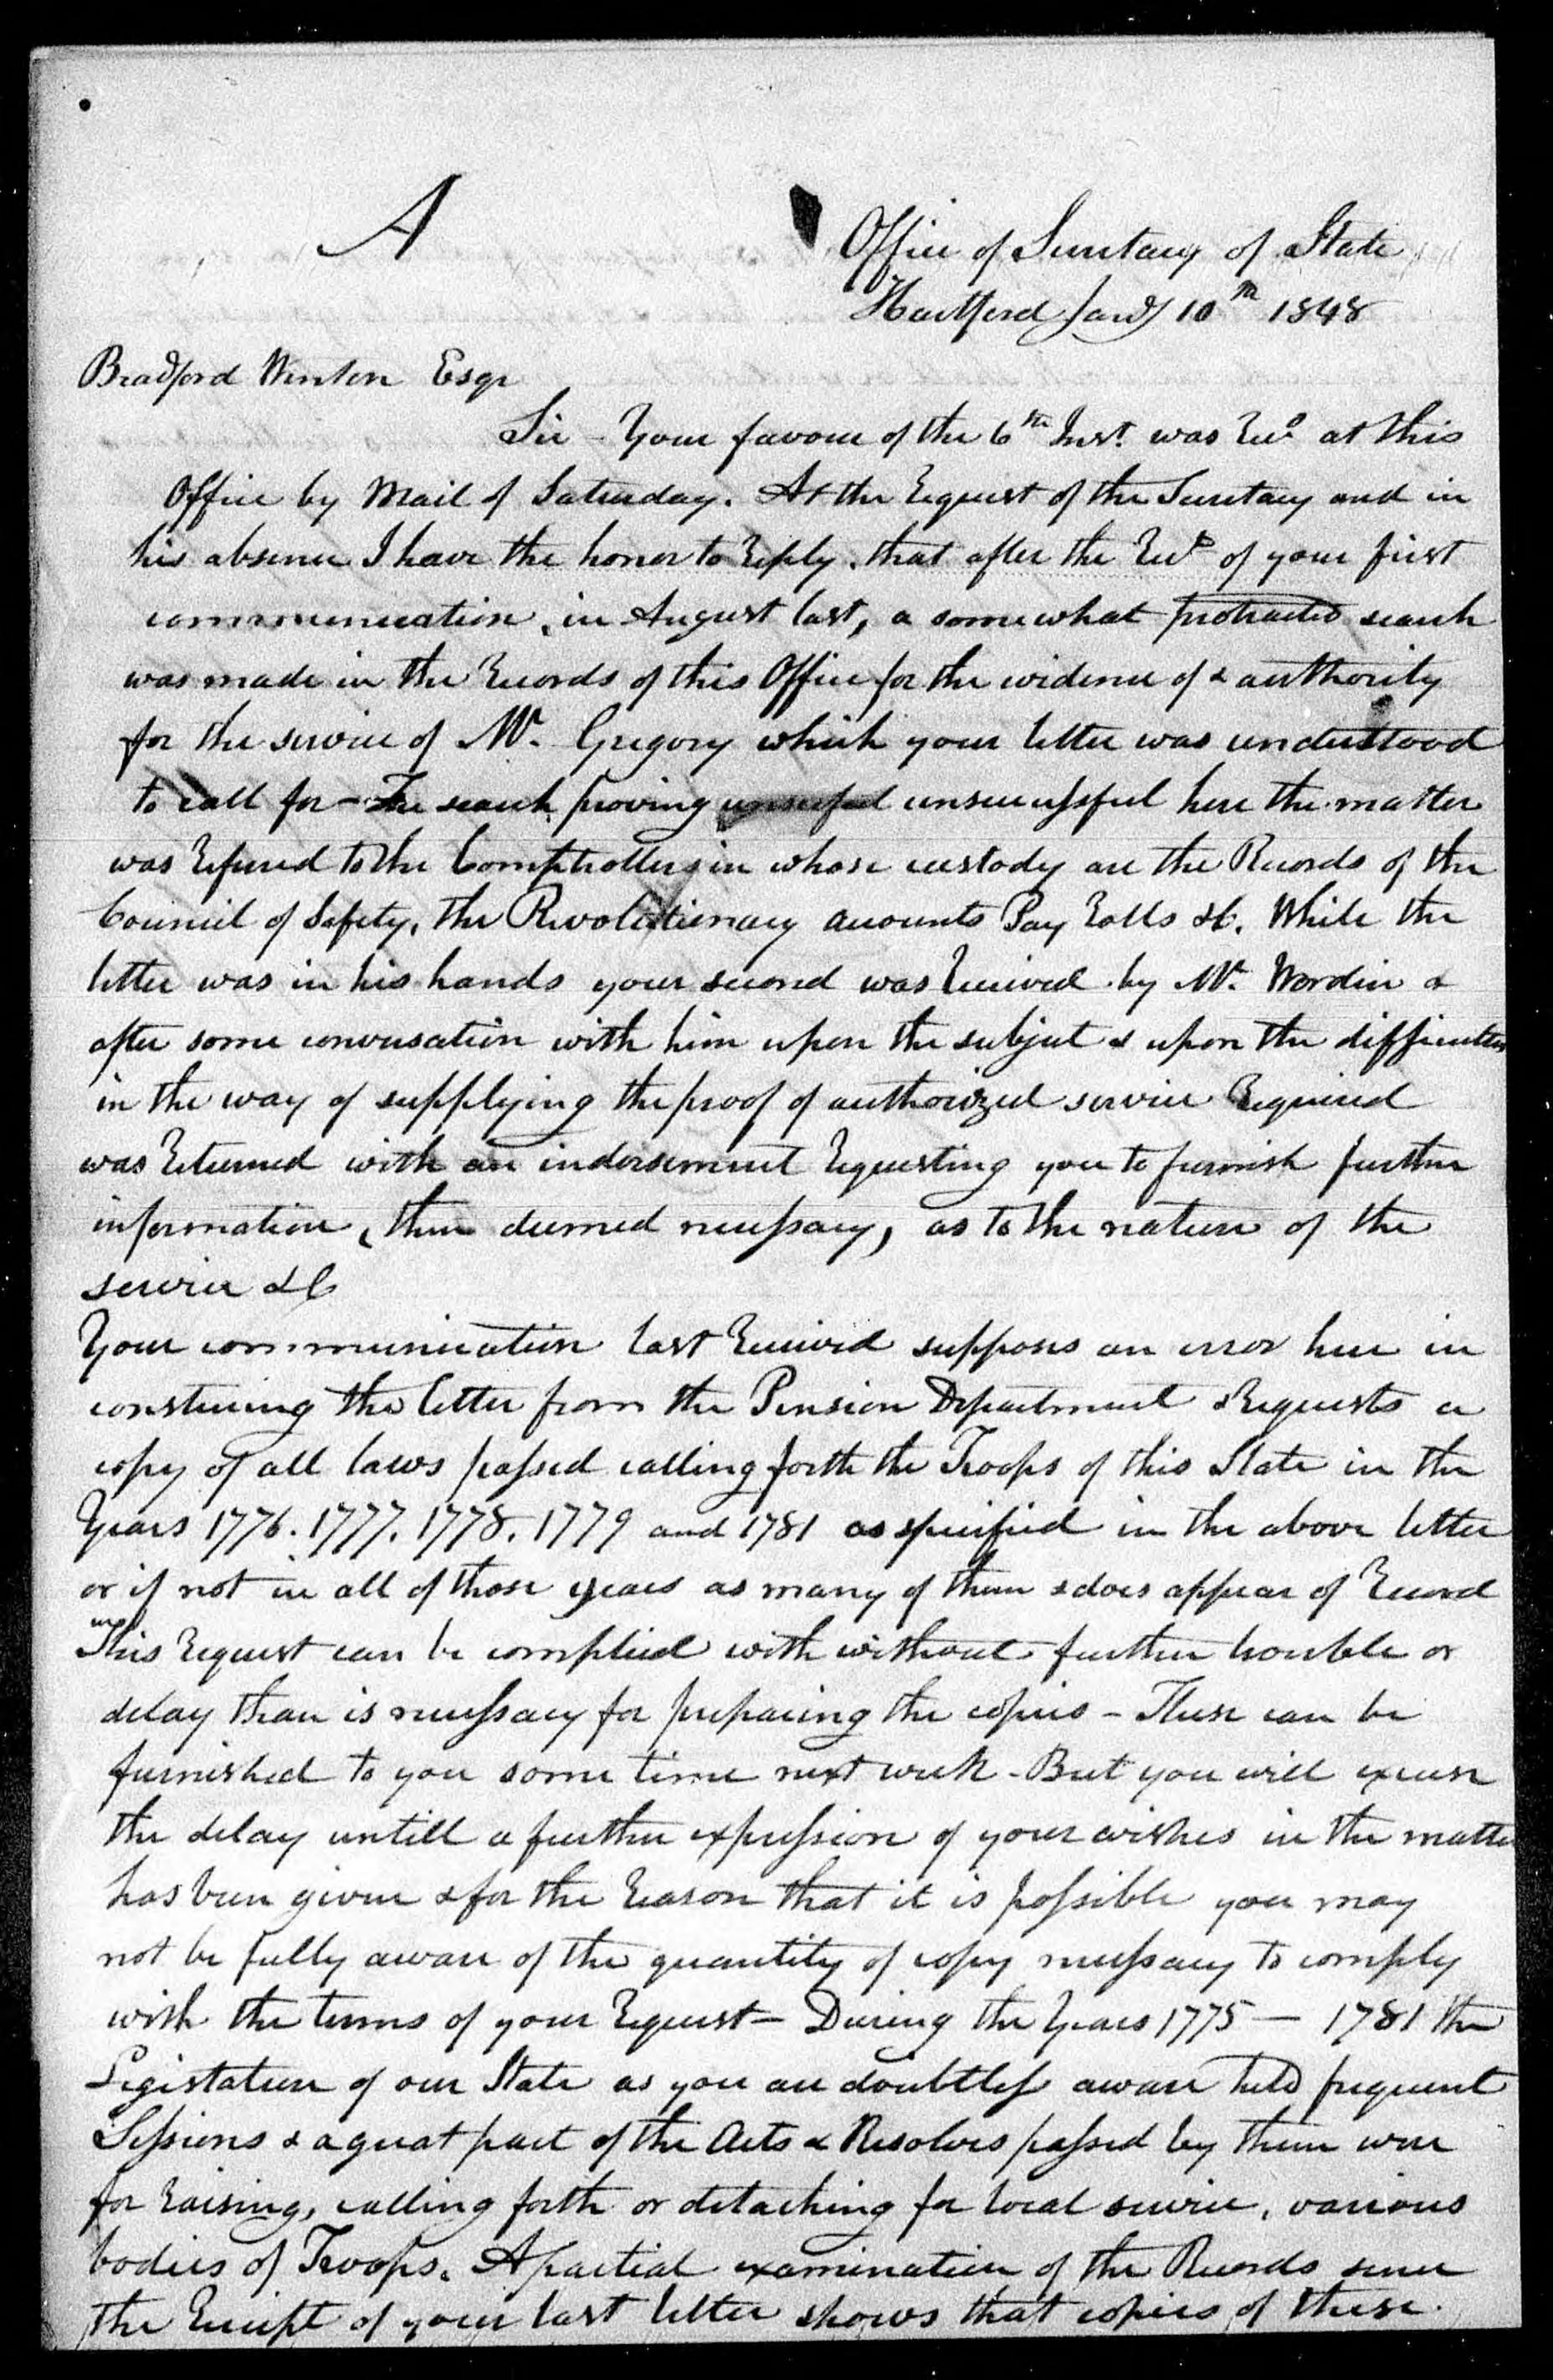A

Office of Secretary of State
Hartford Jany 10th 1848

Bradford Winton Esqr
Sir Your favour of the 6th Inst. was Recd at this Office by Mail of Saturday.  At the Request of the Secretary and in his absence I have the honor to Reply, that after the Rect of your first communication, in August last, some what protracted search was made in the Records of this Office for the evidence of & authority for the service of Mr. Gregory which your letter was understood to call for.  The search proving [illegible] unsuccessful here the matter was Referred to the Comptroller in whose custody are the Records of the Council of Safety, the Revolutionary amounts Pay Rolls [illegible]. While the letter was in his hands your second was Received by Mr. Wordin & after some conversation with him upon the subject & upon the difficulties in the way supplying the proof of authorized service Required was Returned with an indorsement Requesting you to furnish further information, thus deemed necessary, as to the nature of the service [illegible]
Your communication last Received supposes an error here in construing the letter from the Pension Department & Requests a copy of all laws passed calling forth the Troops of this State in the Years 1776, 1777, 1778, 1779 and 1781 as specified above in the above letter or if not in all of those years as many of them & does appear of Record 
This Request can be complied with without further trouble or delay than is necessary for preparing the copies.  These can be furnished to you some time next week.  But you will excuse the delay untill a further expression of your wishes in the matter has been given & for the reason that it is possible you may not be fully aware of the quantity of copy necessary to comply with the terms of Request.  During the years 1775 - 1781 the Legislature of our State as you are doubtless aware held frequent Sessions & a great part of the Acts & Resolves passed by them was for raising, calling forth or detaching for local service, various bodies of Troops.  A partial examination of the Records since the Receipt of your last letter shows that copies of these.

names: Wordin, Bradford Winton, Gregory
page: 31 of 49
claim: widow's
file: W 24308, Josiah Gregory, Conn.